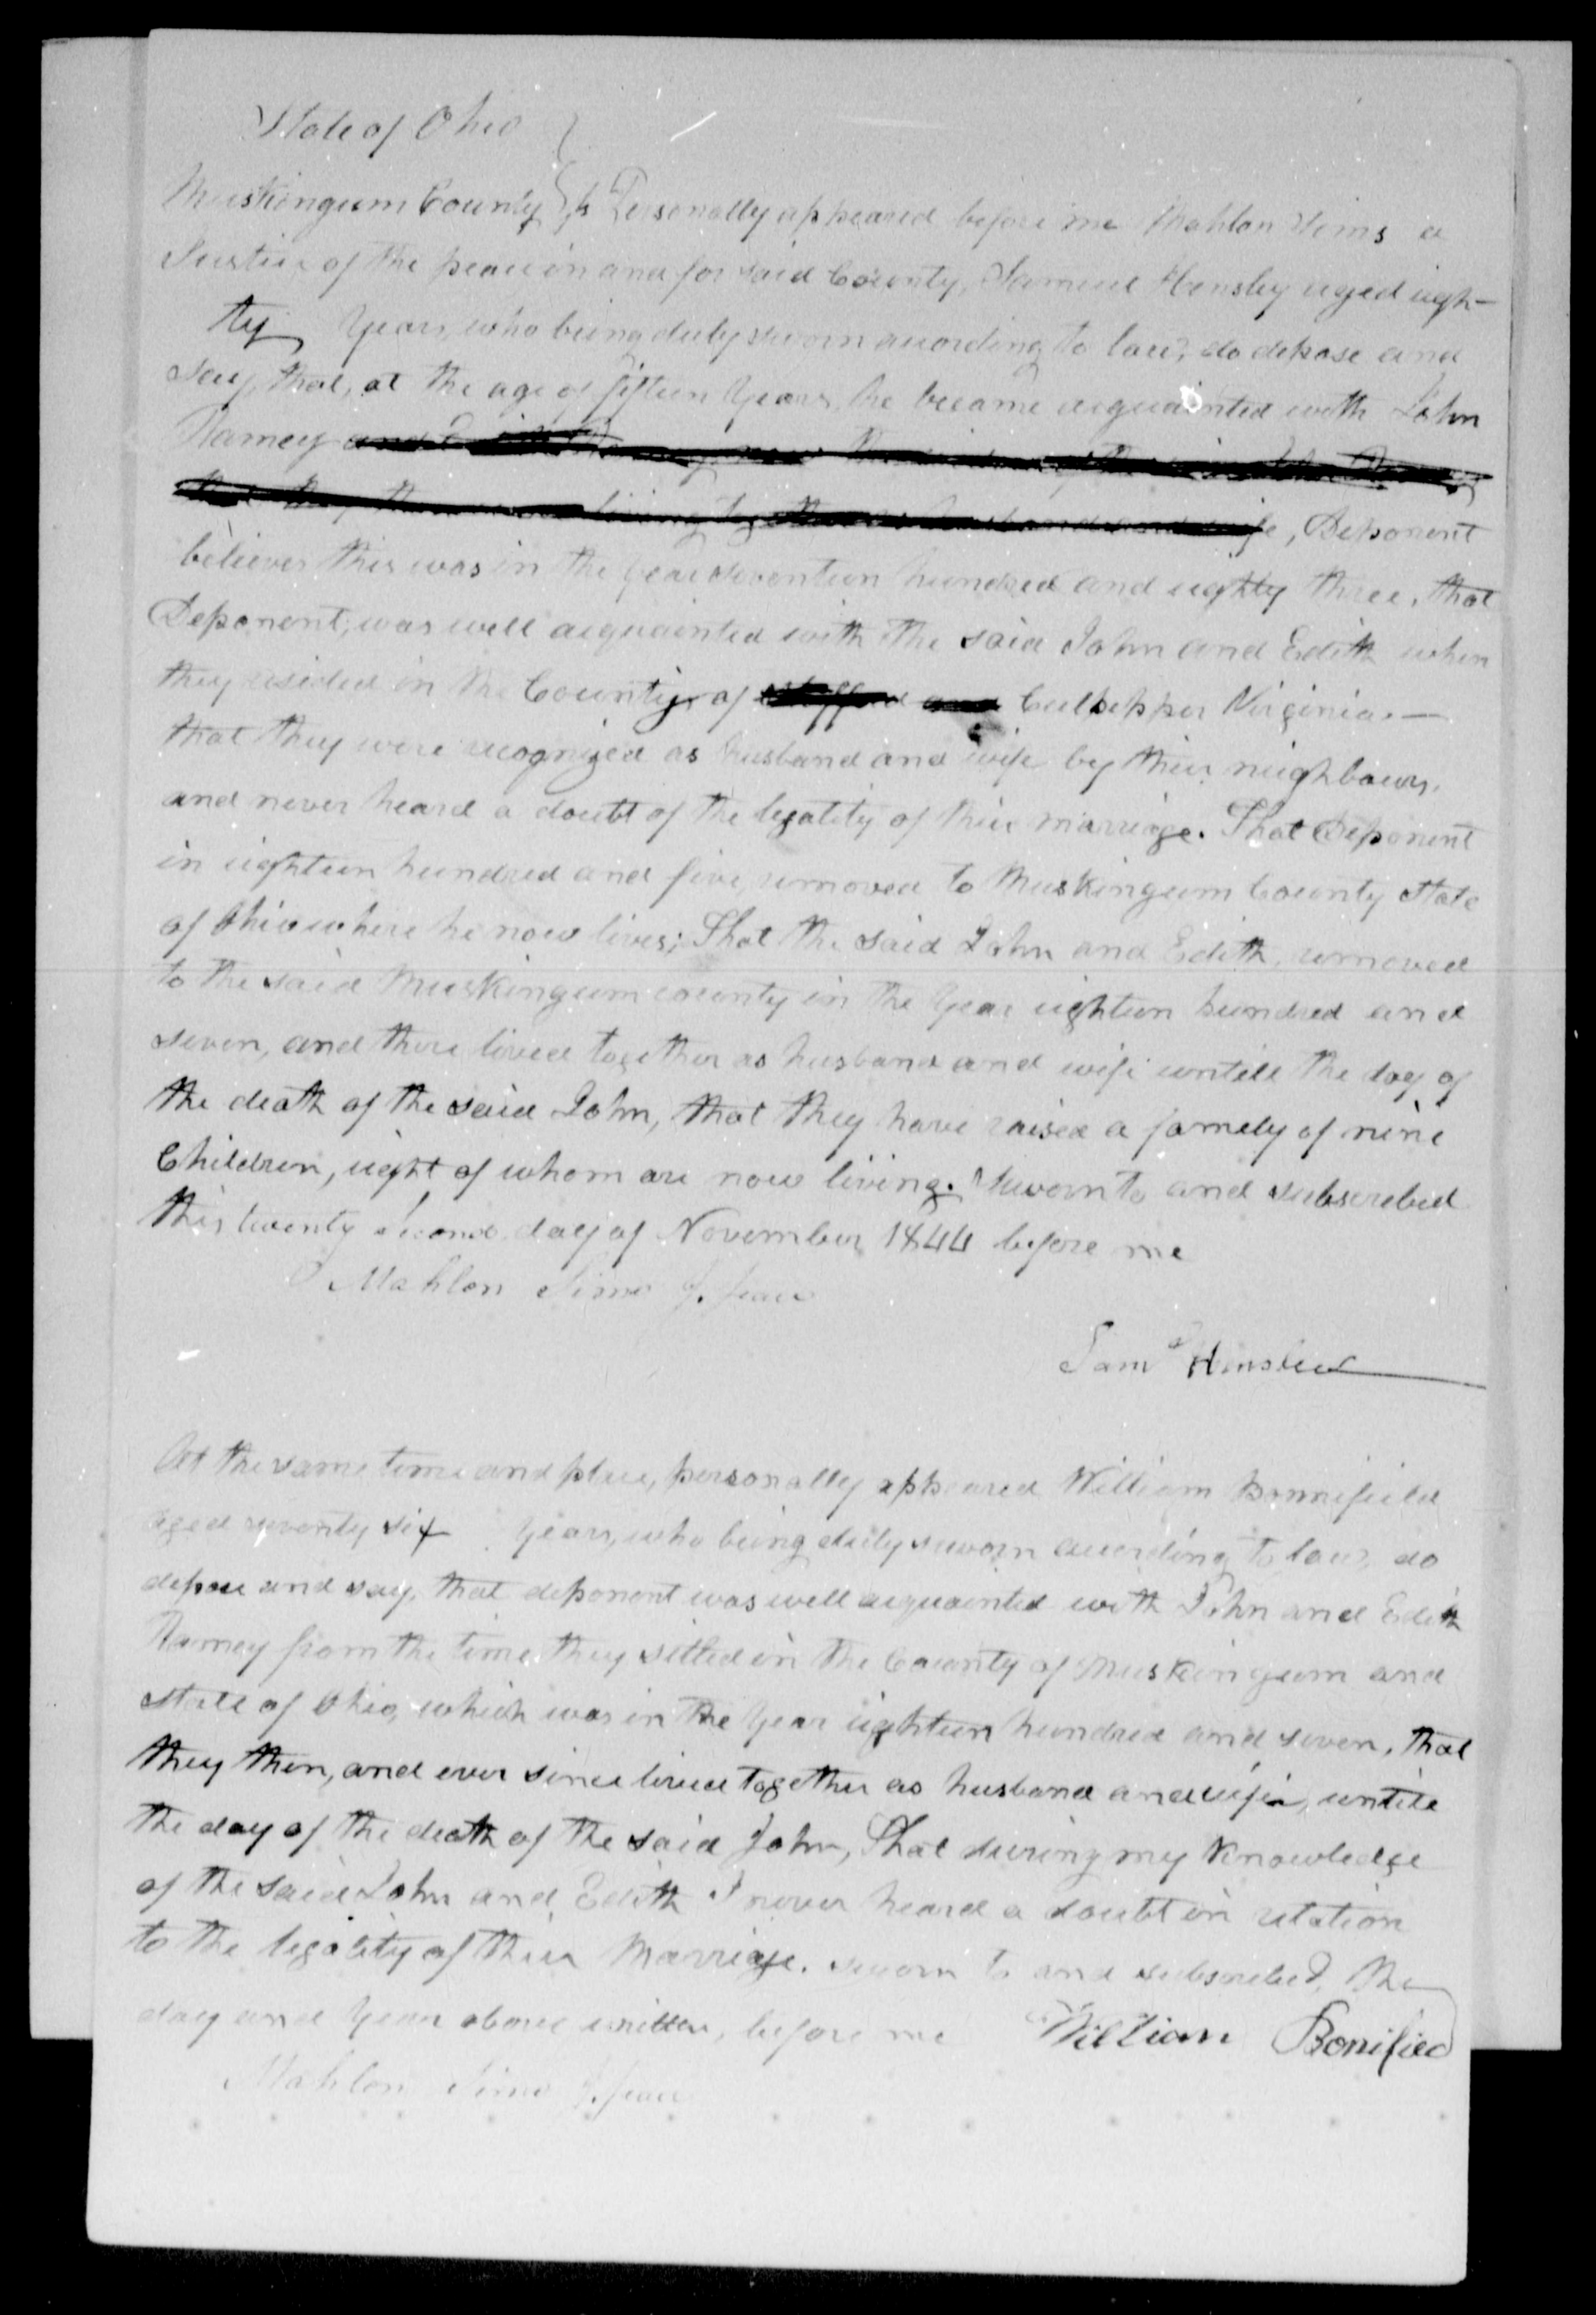State of Ohio
Muskingum County SS Personally appeared before me Mahlon Sims a Justice of the peace in and for said County, Samuel Hensley aged eighty years, who being duly sworn according to law, do depose and say, that at the age of fifteen years, he became acquainted with John Ramey, deponent believes this was in the year Seventeen hundred and eighty three, that Deponent was well acquainted with the said John and Edith when they resided in the County of Culpepper Virginia.- that they were recognized as husband and wife by their neighbors, and never heard a doubt of the legality of their marriage. That Deponent in eighteen hundred and five, removed to Muskingum County State of Ohio, where he now lives; That the said John and Edith removed to the said Muskingum County in the year eighteen hundred and seven, and there lived together as husband and wife untill the day of the death of the said John, that they have raised a family of nine Children, eight of whom are now living. Sworn to and subscribed this twenty second day of November 1844 before me
Mahlon Sims J. Peace
Saml Henslee

At the same time and place, personally appeared William Bonnifield aged seventy six years, who being duly sworn according to law, do depose and say, that deponent was well acquainted with John and Edith Ramey from the time they settled in the County of Muskingum and State of Ohio, which was in the year eighteen hundred and seven, that they then, and ever since lived together as husband and wife, until the day of the death of the said John, That during my knowledge of the said John and Edith I never heard a doubt in relation to the legality of their marriage. Sworn to and subscribed, the day and year above written, before me William Bonifield
Mahlon Sims J. Peace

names: John [BLANK]; John [BLANK]; Edith [BLANK]; John [BLANK]; Mahlon Sims; Mahlon Sims; William Bonifield; John Ramey; John [BLANK]; John [BLANK]; Mahlon Sims; John Ramey; Edith [BLANK]; Saml Henslee; Edith Ramey; Edith [BLANK]; William Bonnifield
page: 71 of 84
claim: widow's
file: W.11104, for John Remay, Virginia